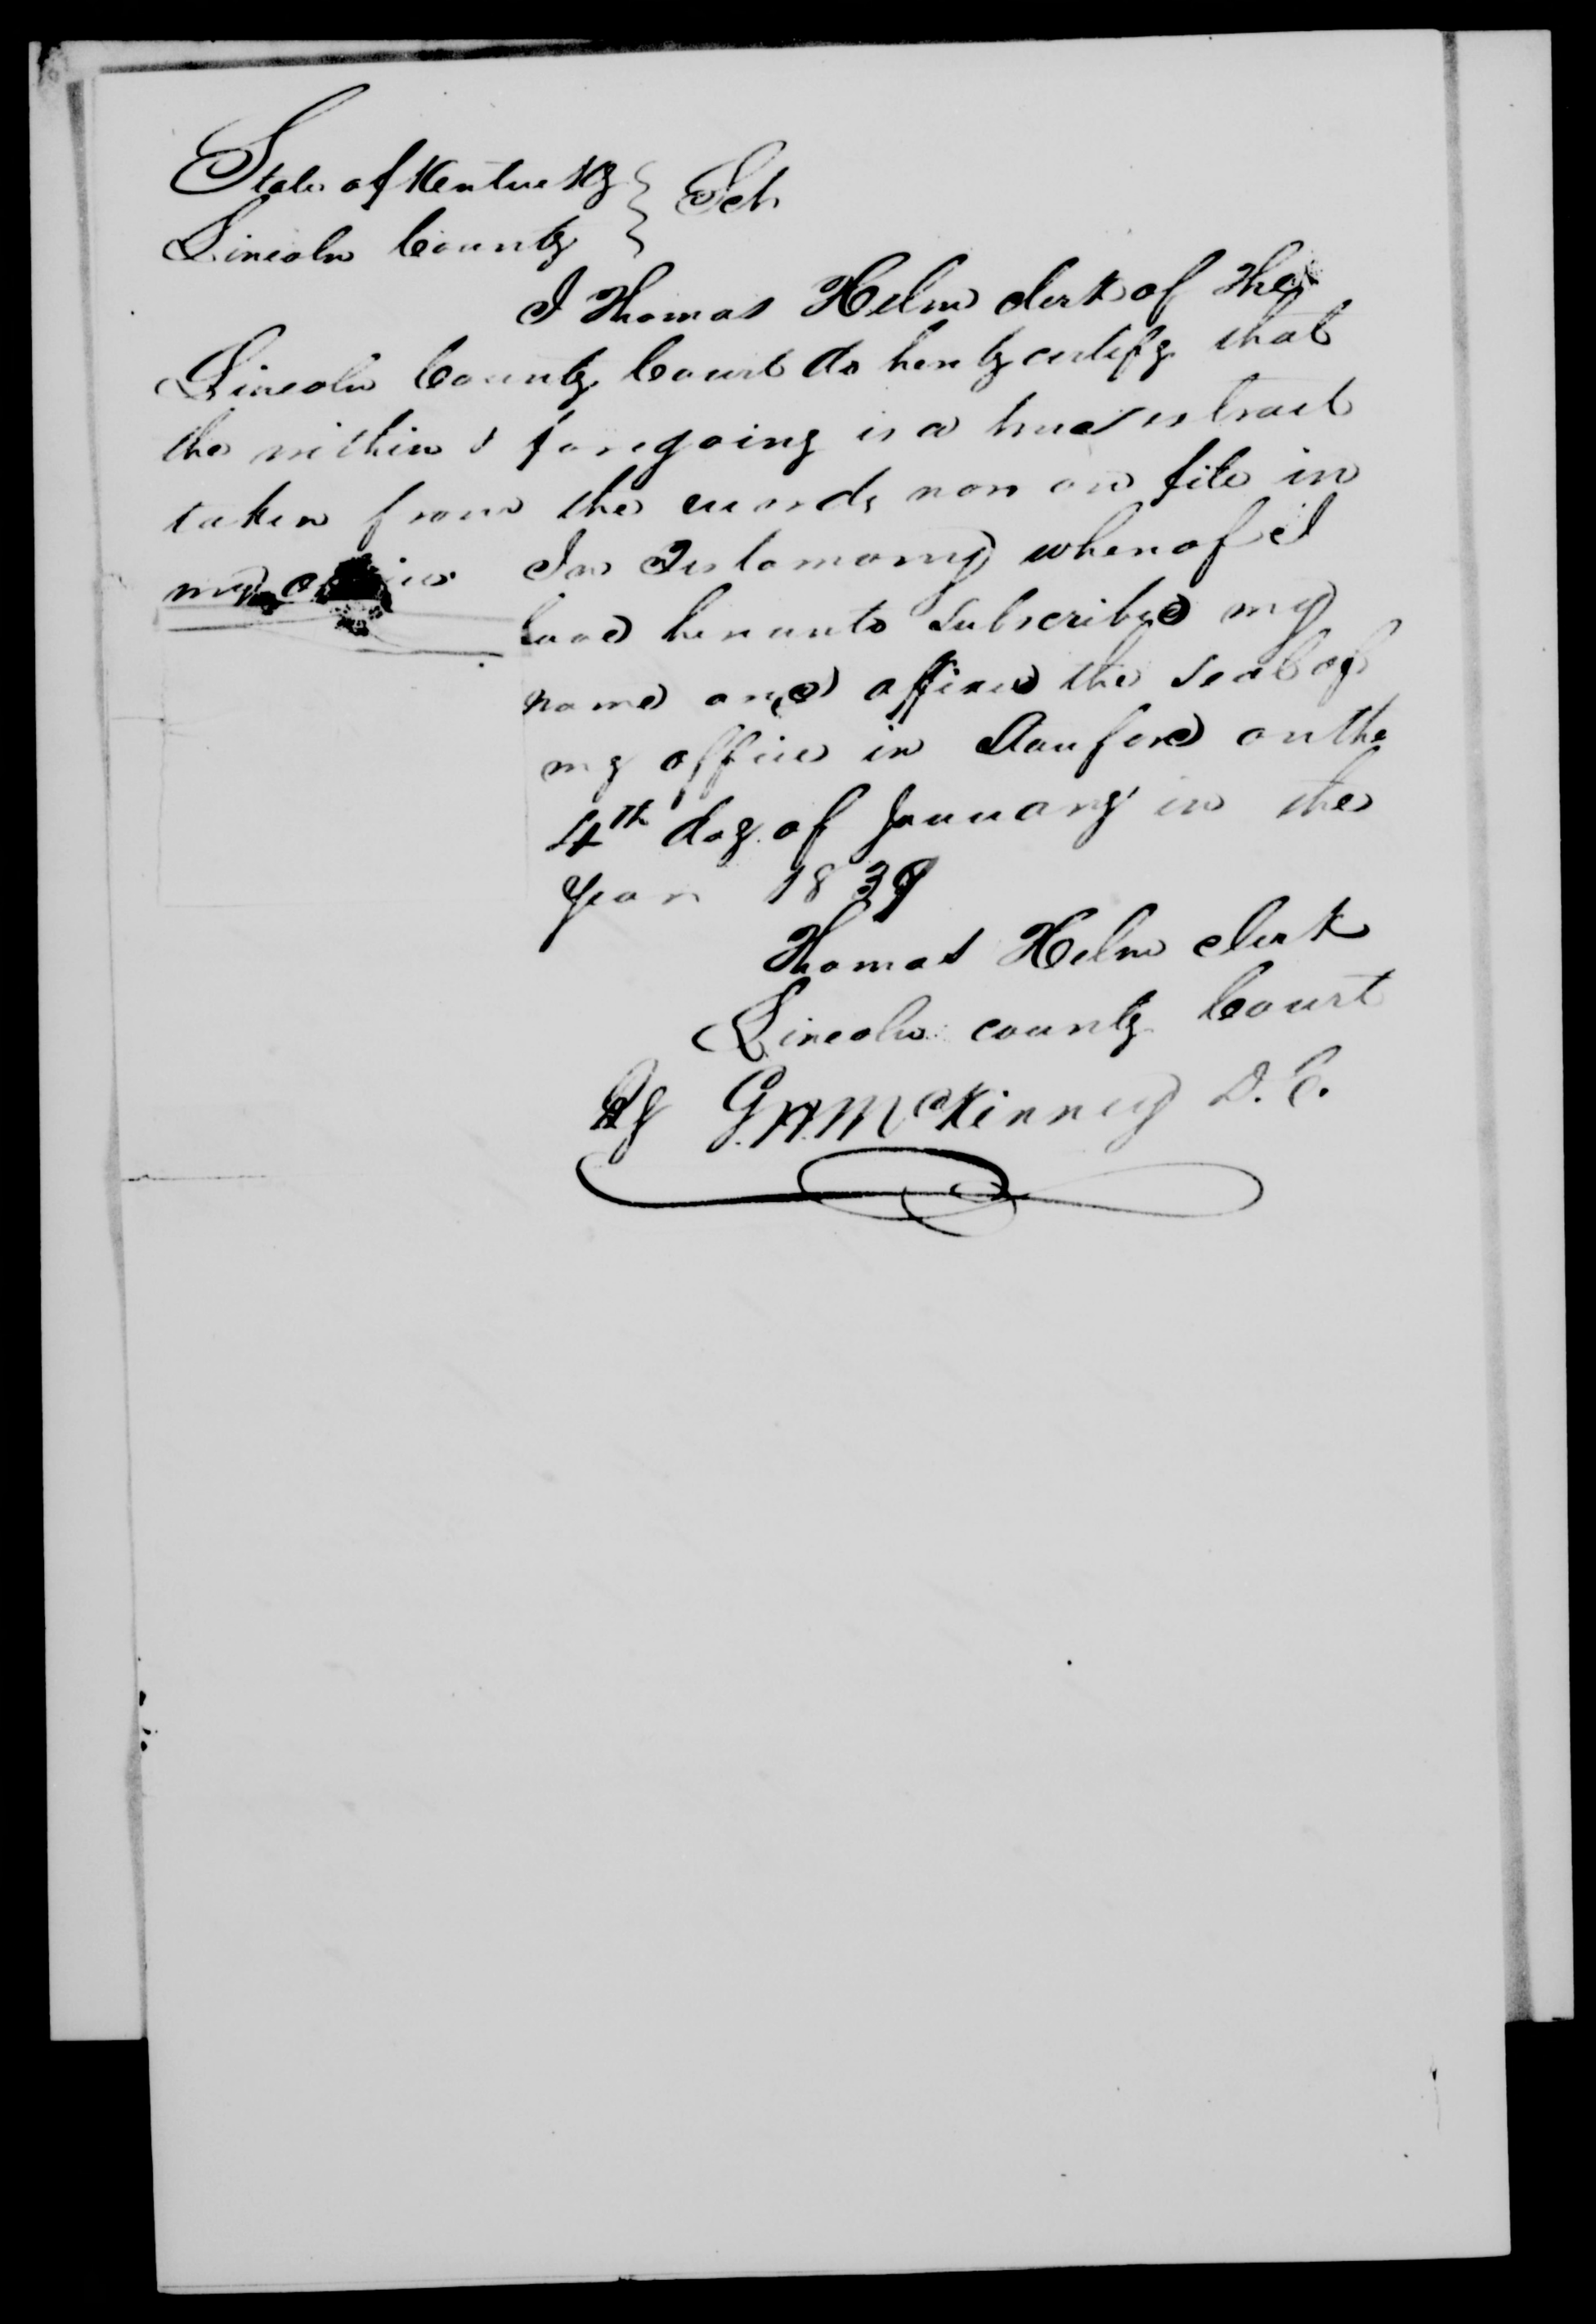State of Kentucky
Lincoln County  Sct
I Thomas Helm clerk of the Lincoln County Court do herby certify that the within & foregoing is a true extract taken from the cuards now on my file in my o[ink blot]ice In Testomony wherof I have herunto Subscribed my name and office the seal of my office in Stanford on the 4th day of January in the year 1839
Thomas Helm clerk Lincoln county Court
[illegible] GN McKinney DC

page: 18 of 99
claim: widow's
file: W 8766, for James Stevens, Virginia